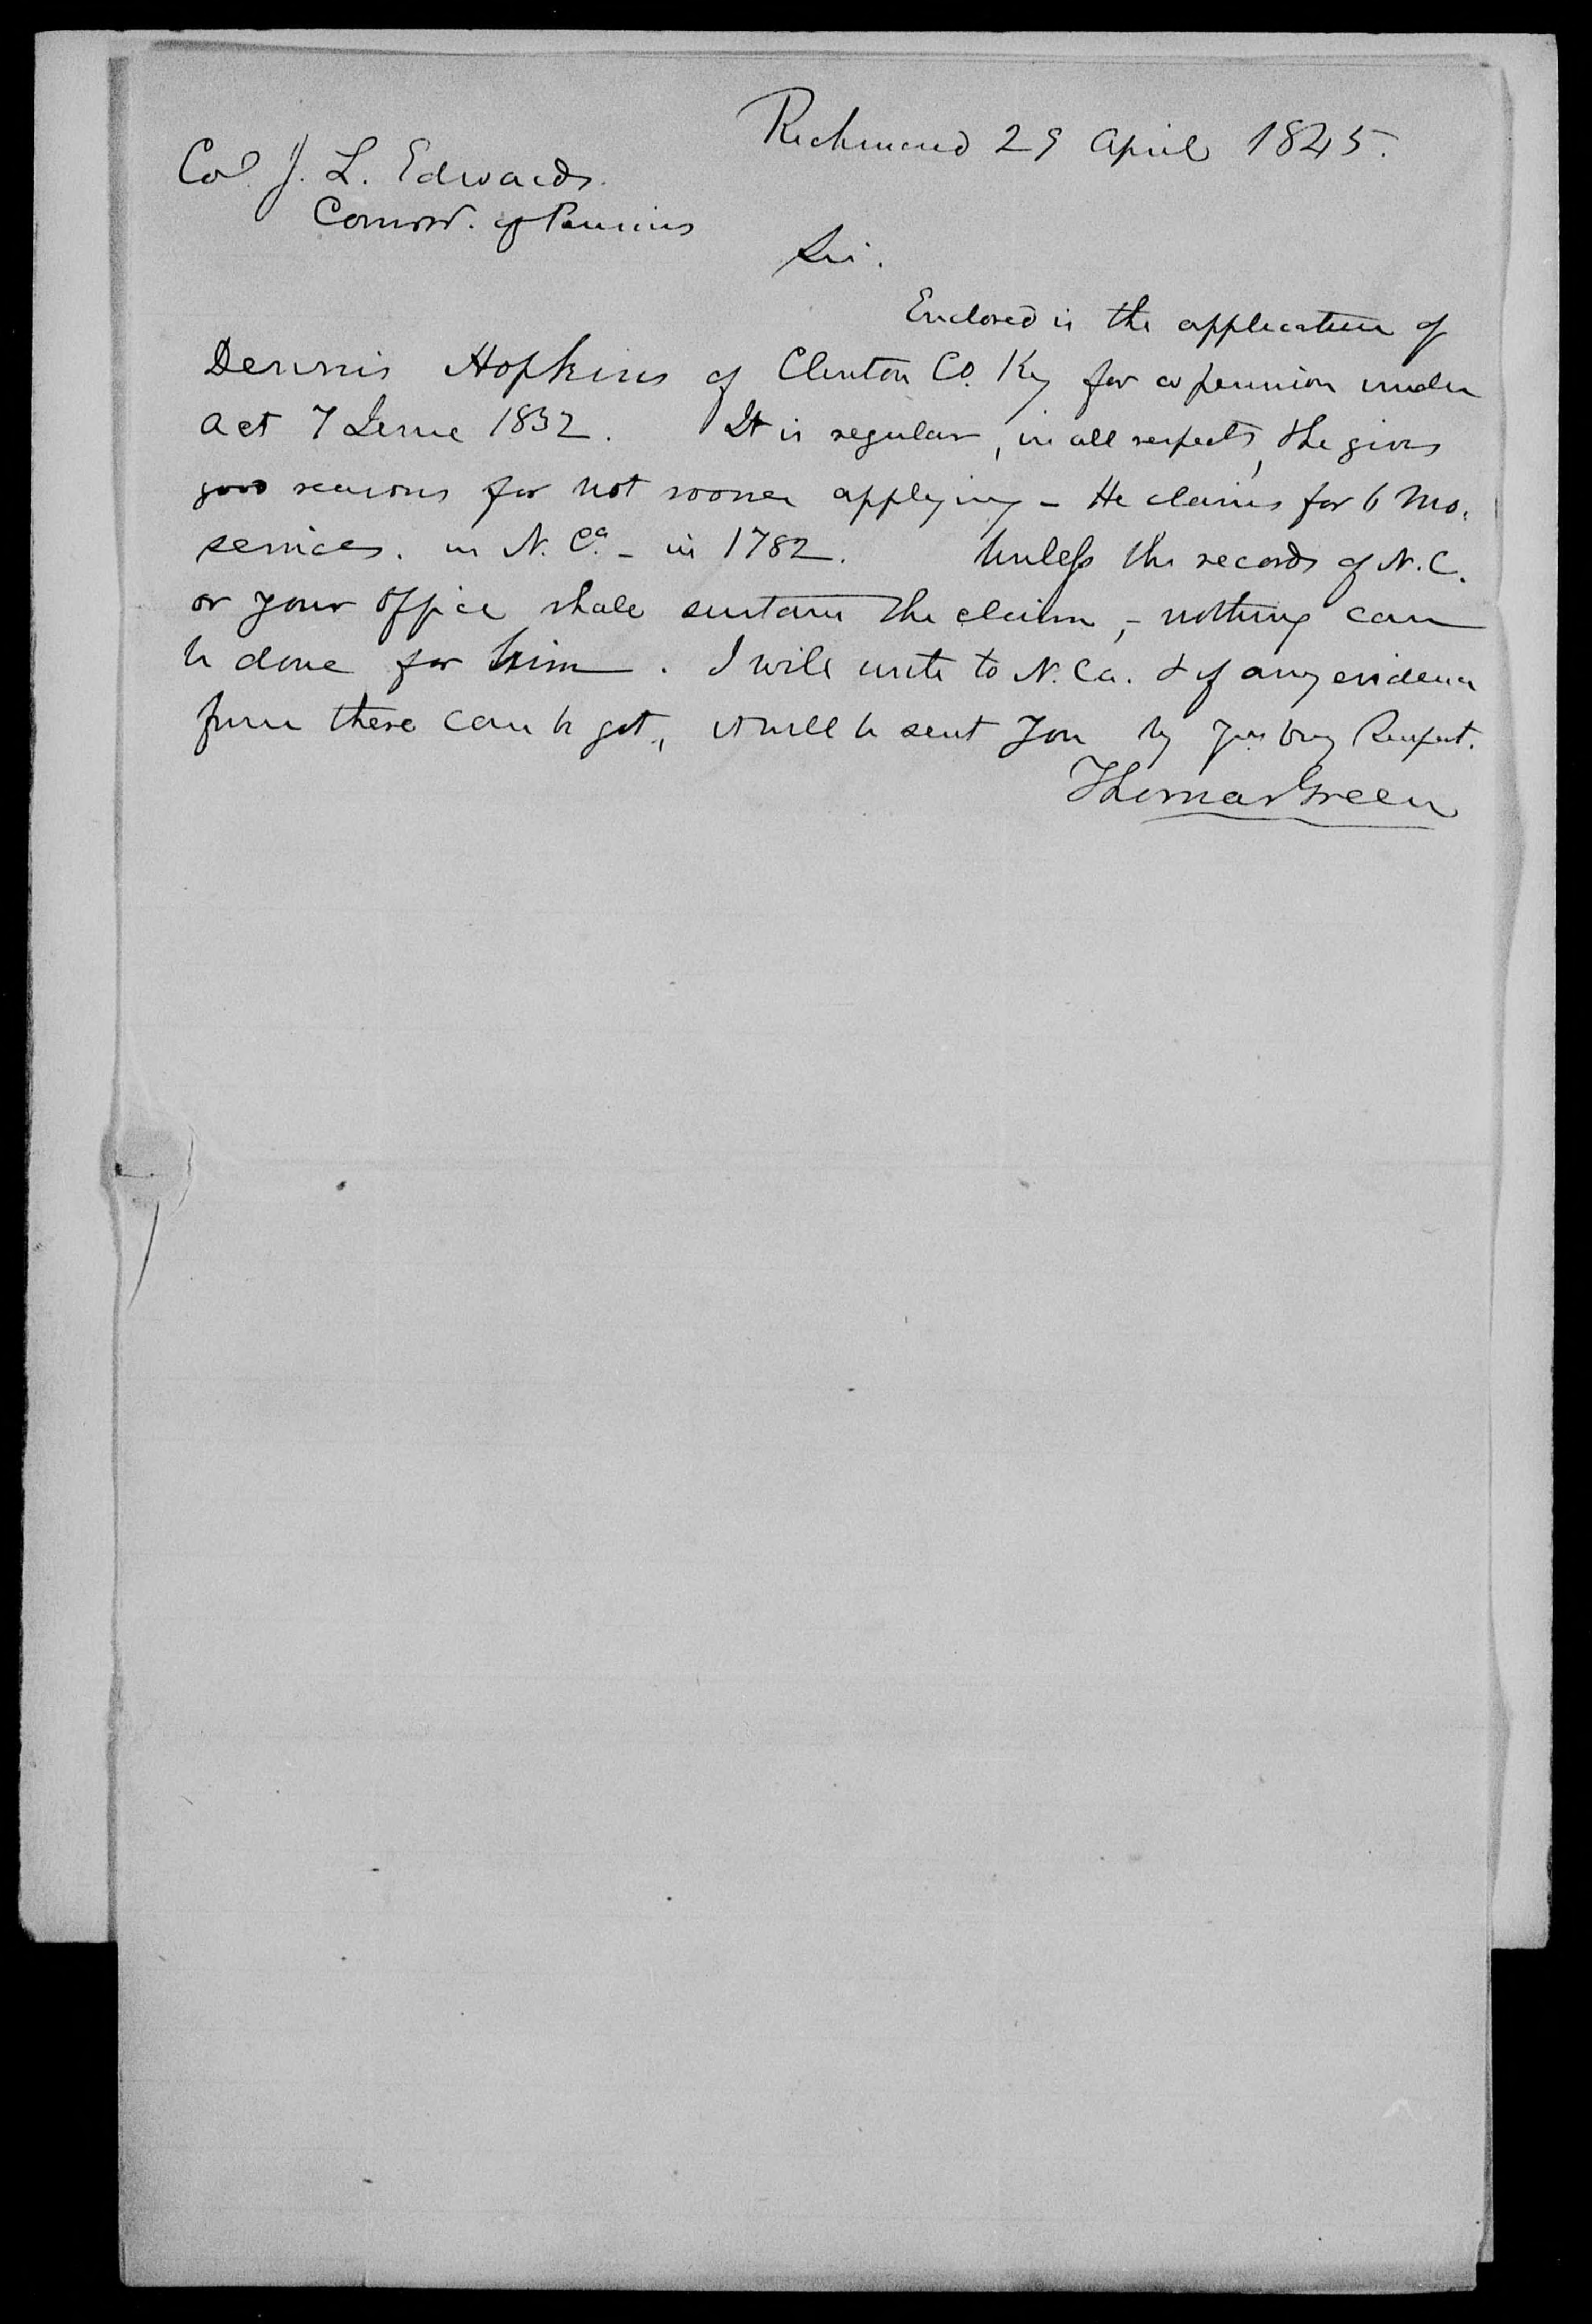Richmond 29 April 1845.

Col. J. L. Edwards
Commr of Pensions

Sir

Enclosed is the application of Dennis Hopkins of Clinton Co Ky for a pension under Act 7 June 1832. It is regular, in all respects he gives good reasons for not sooner applying-- He claims for 6 mo. services, in N.C. in 1782.  Unless the records of N.C. of your office shall sustain the claim, nothing can bedone for him. I will write to N.Ca. & if any evidence from there can be got, it will be sent you by yr ost Servt.
Thomas Green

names: Dennis Hopkins, J L Edwards, Thomas Green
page: 24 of 144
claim: rejected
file: R. 5208, Dennis Hopkins, N.C.